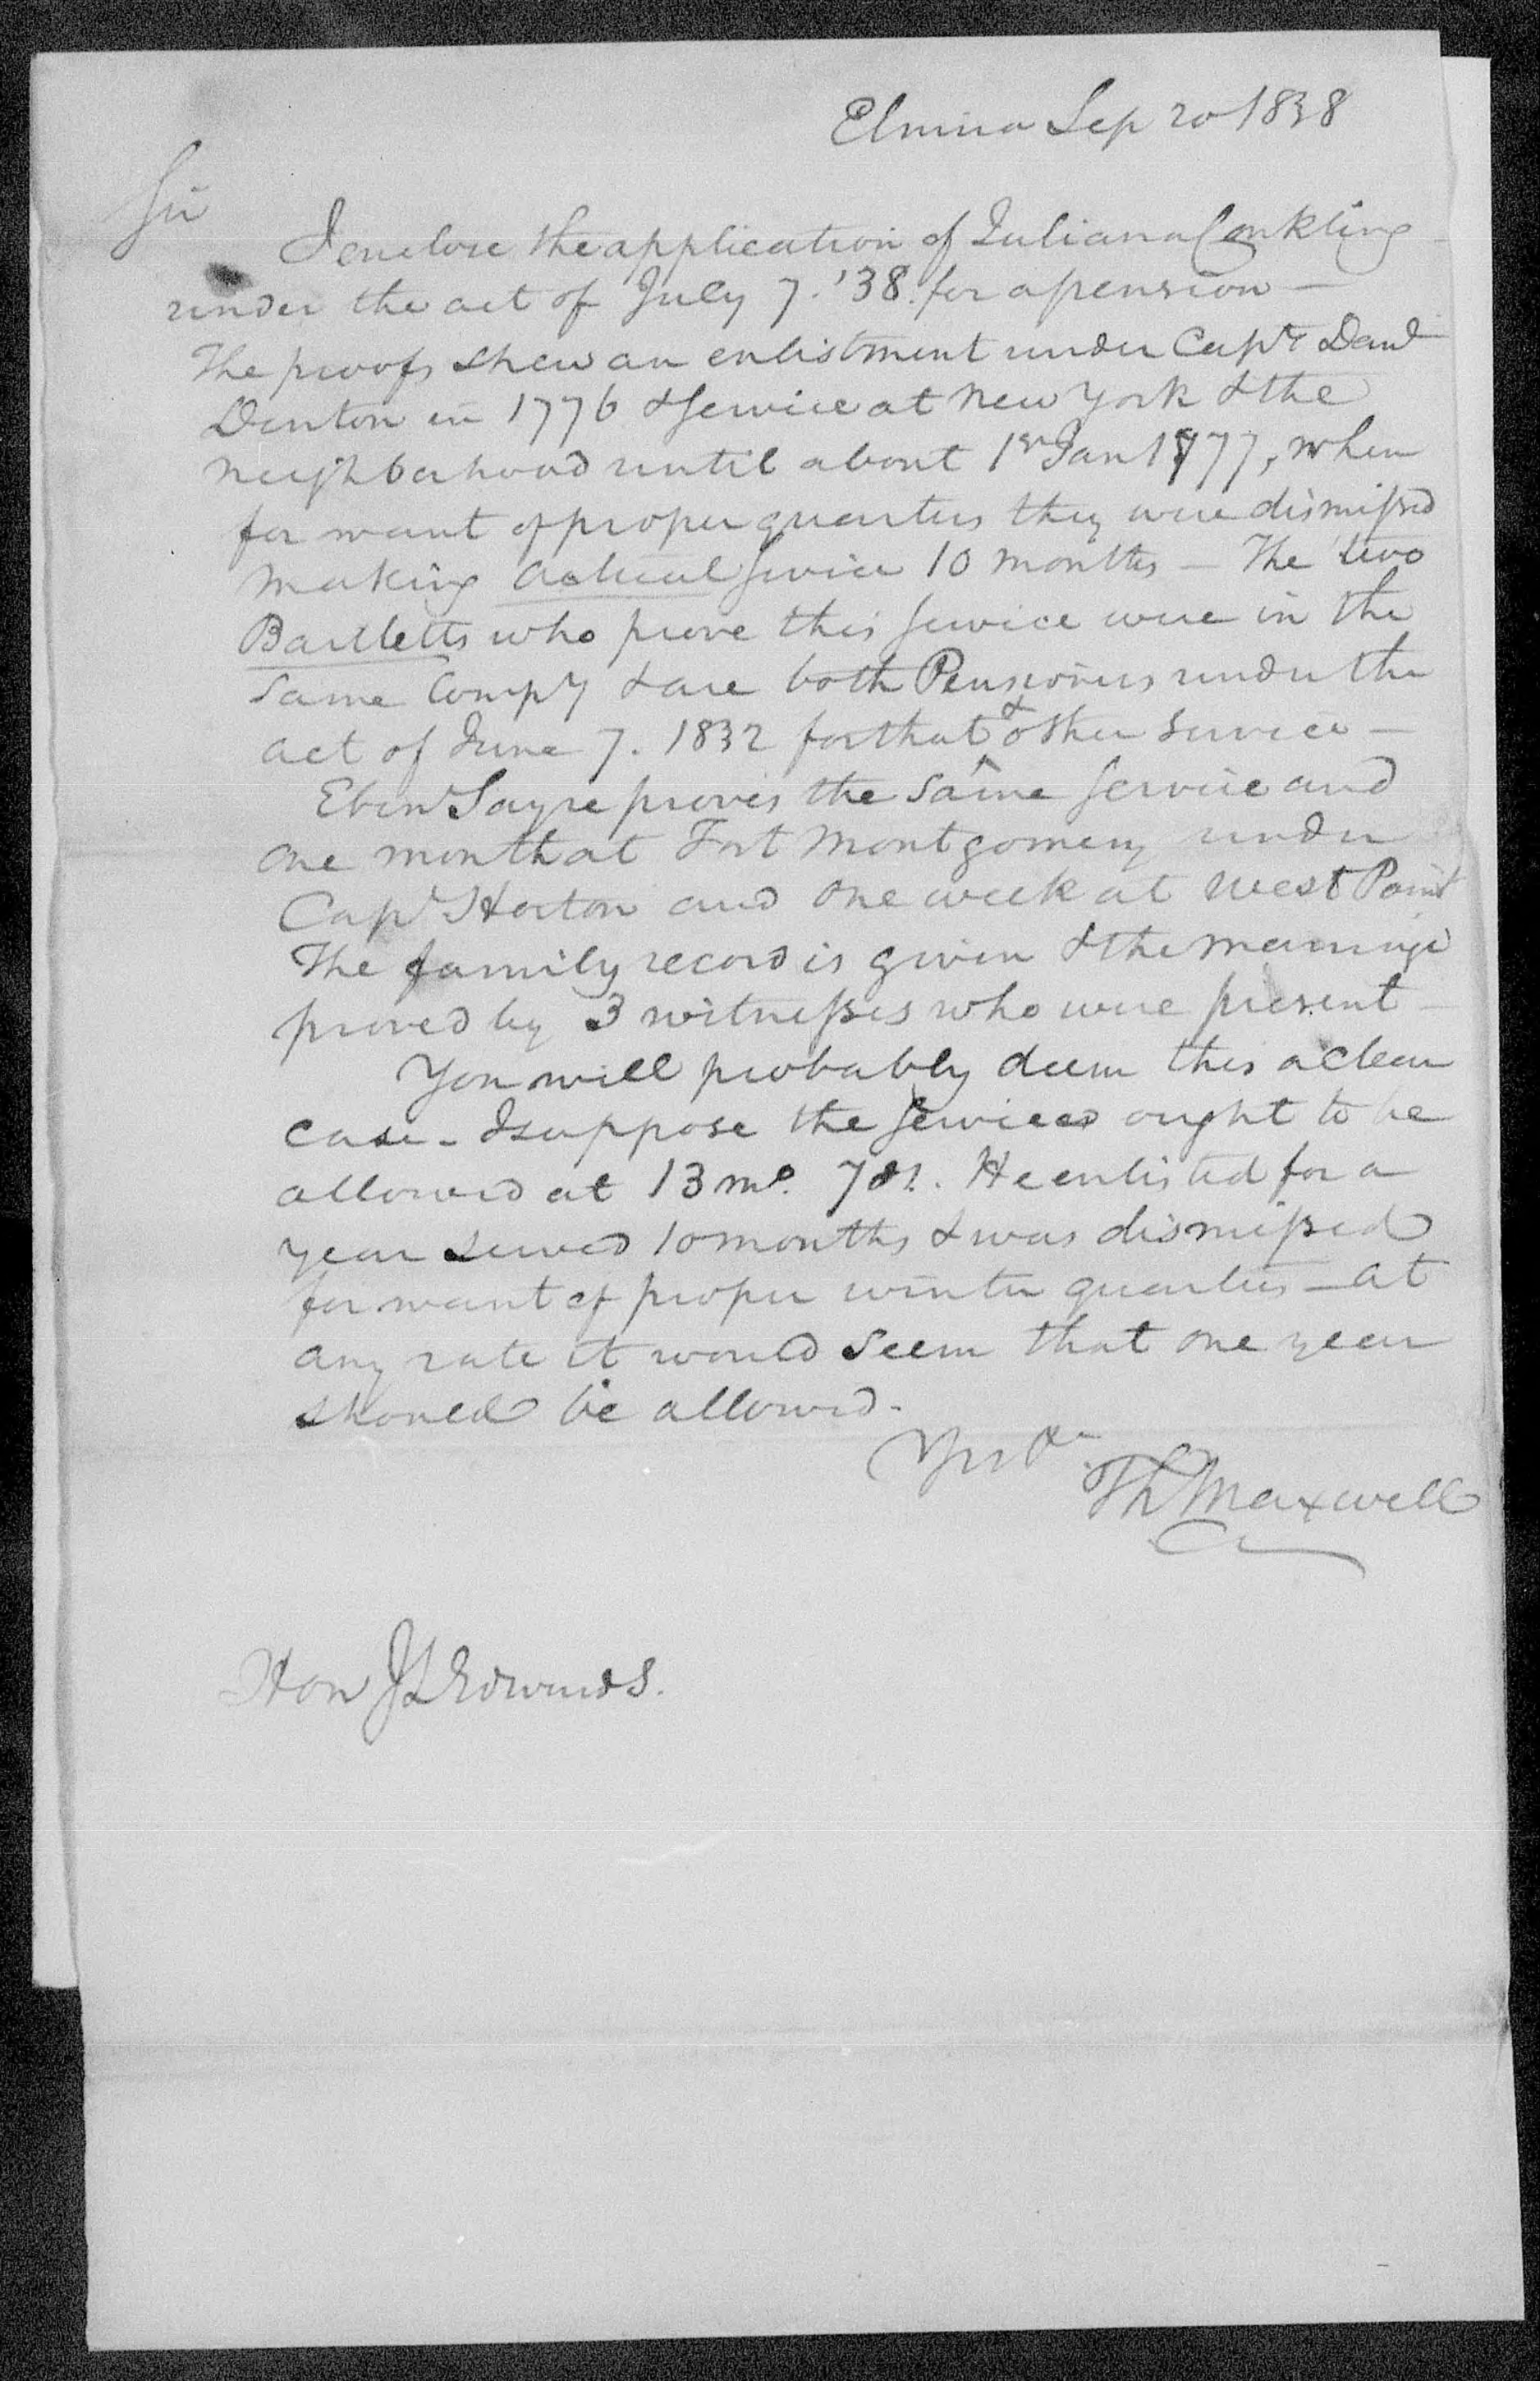Elmira Sep 20 1838
Sir I enclose the application of Juliana Conkling under the act of July 7 38 for a pension. The proof show an enlistment under Capt Danl Denton in 1776 + service at New York + the neighborhood until about 1st Jan 1777, when for want of proper quarters they were dismissed making actual service 10 months. The two Bartletts who prove this service were in the same compy + are both pensioners uner the act of June 7 1832 for that + other service. Eben, Sayre proves the same service and one month at Fort Montgomery under Capt Horton and one week at West Point. The family record is given + the marriage proved by 3 witnesses who were present. 
You will probably deem this a clean case. I suppose the services ought to be allowed at 13 mo. 7ds. He enlisted for a year served  10 months + was dismissed for want of proper winter quarters at any rate it would seem that one year should be allowed. Jud Th Maxwell
Hon JSrowards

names: Horton, Danl Denton, Juliana Conkling, Ebenr Sayre, Th Maxwell, Bartlett, J L Edwards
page: 18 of 18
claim: widow's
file: W. 18,939, Jonathan S Conkling, New York